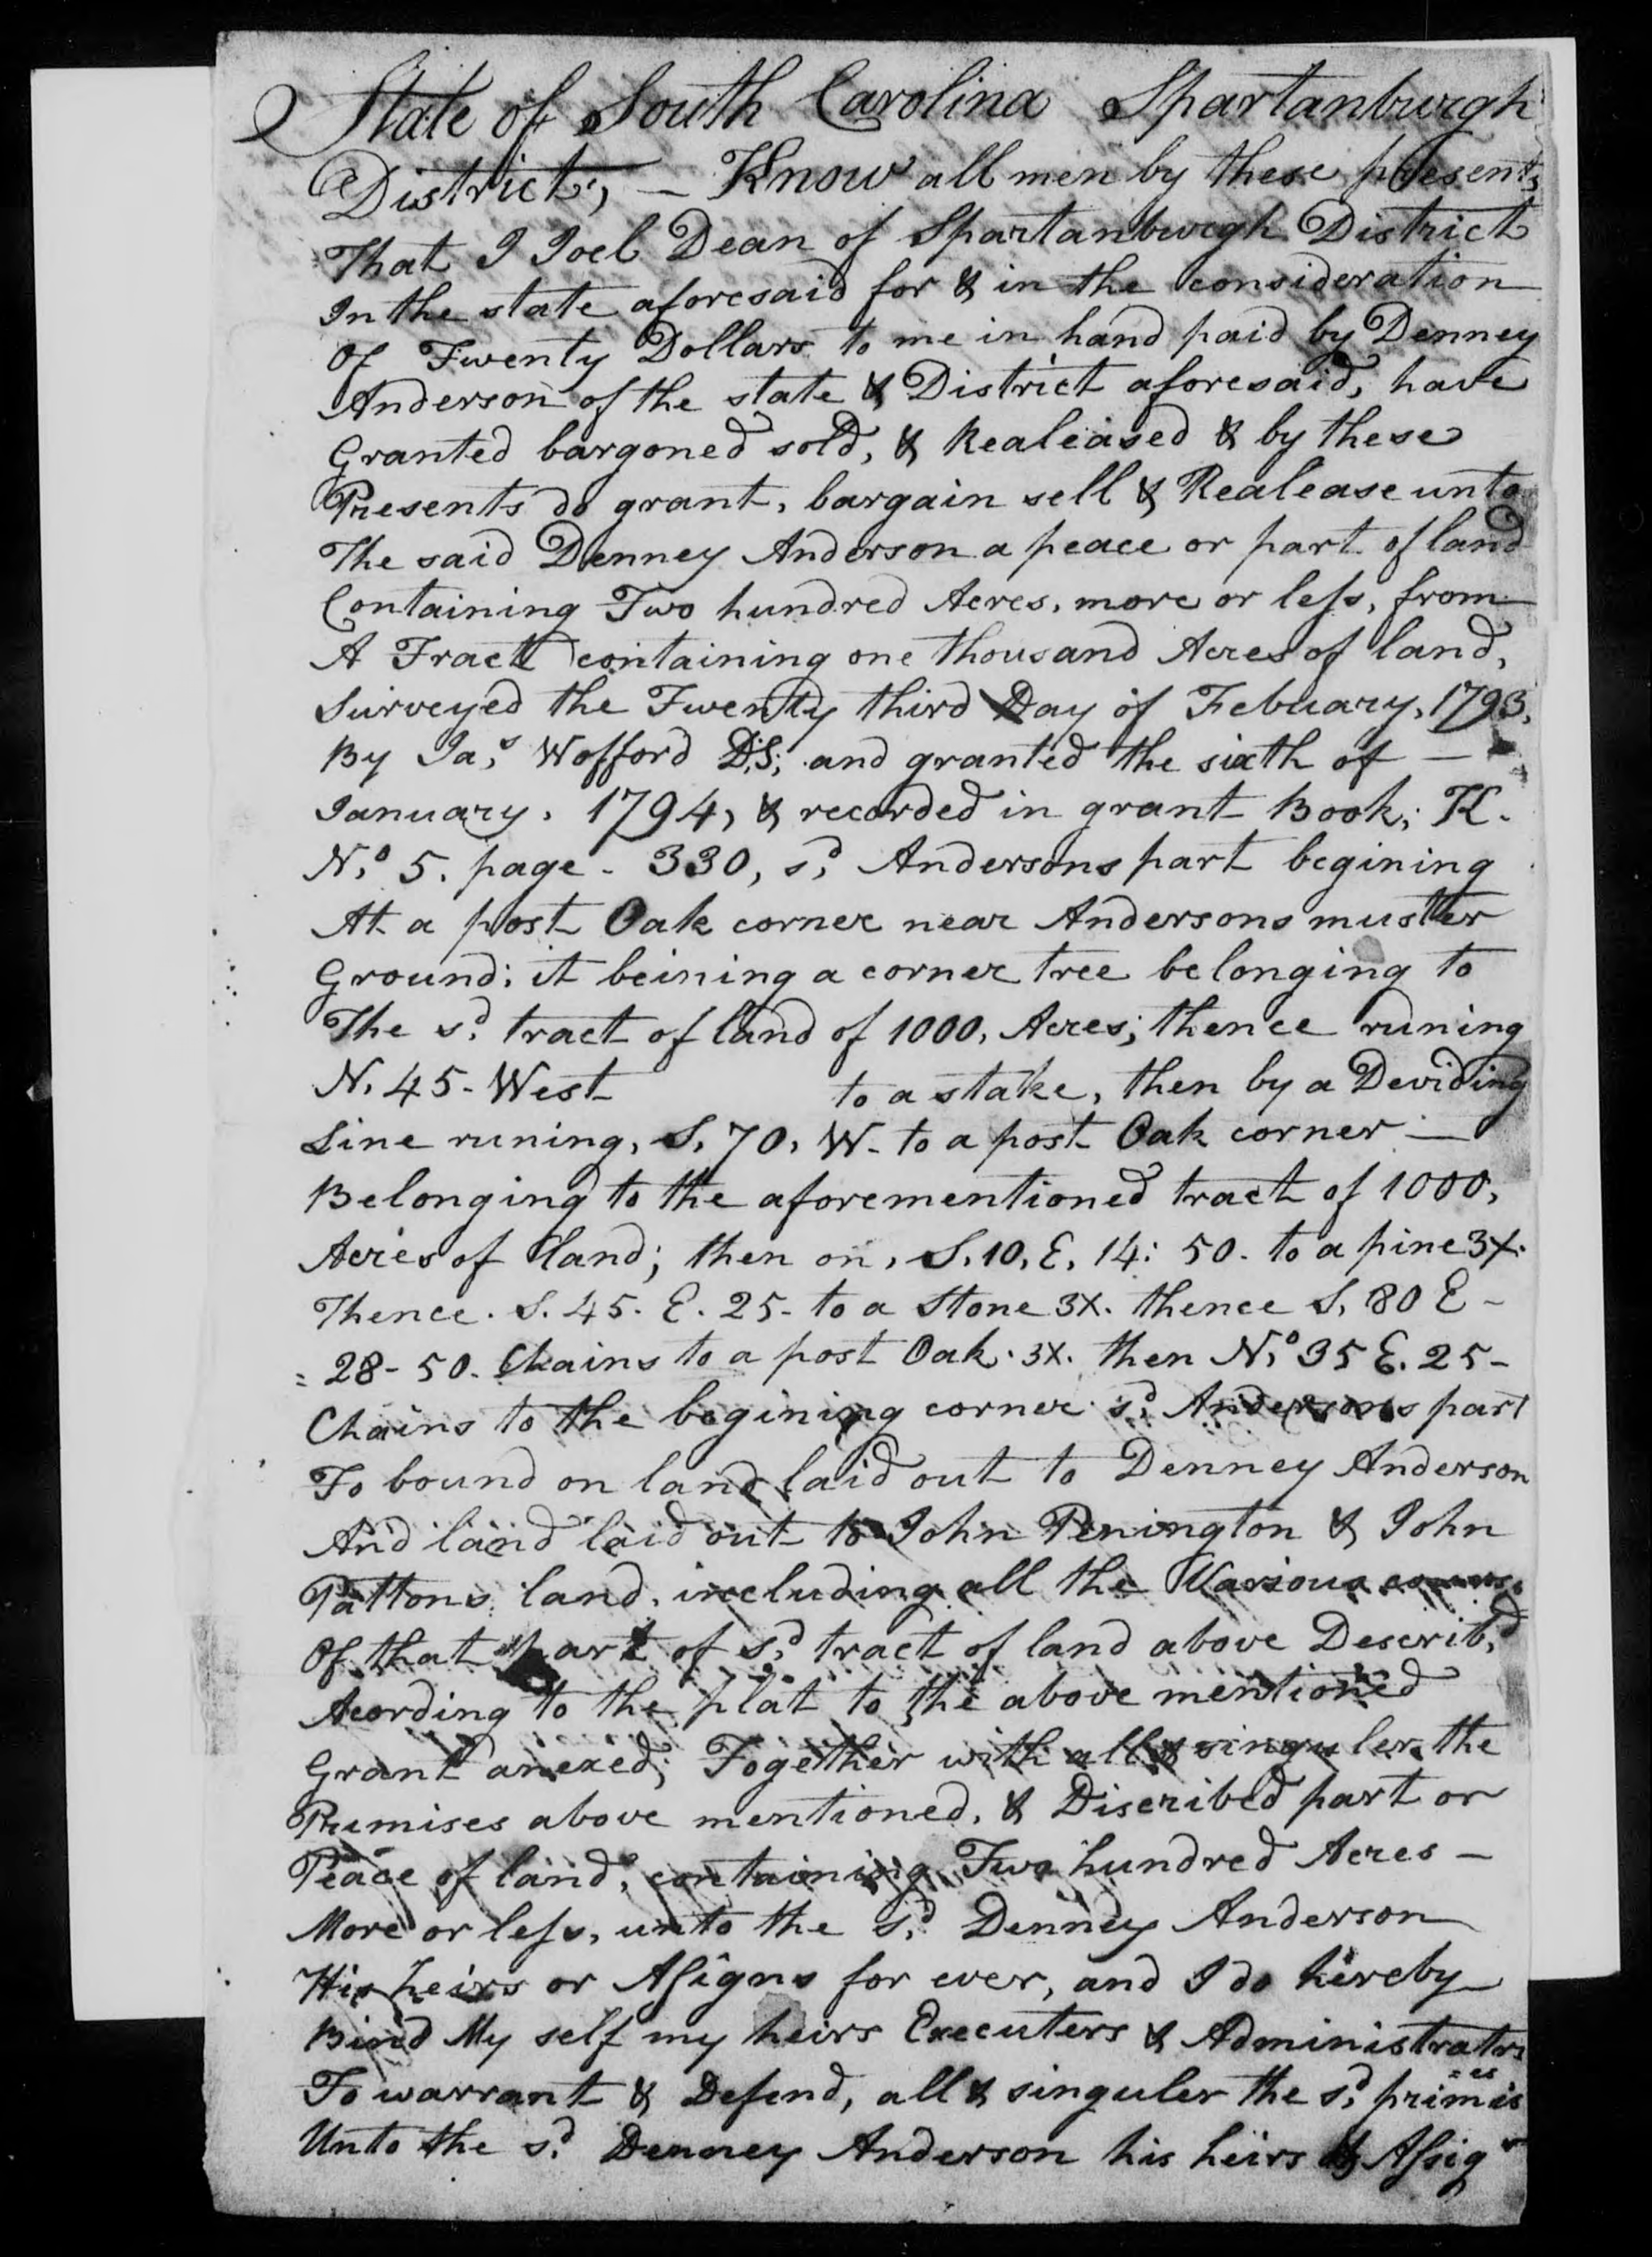State of South Carolina Spartanburgh District
Know all men by these presents That I Joel Dean of Spartanburgh District
In the state aforesaid for & in the consideration of Twenty Dollars to me in hand paid by Denney Anderson of the state & District aforesaid, have granted bargoned sold, & realeased & by these Presents do grant, bargain sell & realease unto the said Denney Anderson a peace or part of land containing Two hundred Acres, more or less, from a tract containing one thousand Acres of land surveyed the Twenty third day of February, 1793, By Jas. Wafford D.S. and granted the sixth of January, 1794, & recorded in grant Book, K. No. 5. page - 330, sd. Andersons part begining At a post Oak corner near Andersons muster Ground; it beining a corner tree belonging to The sd. tract of land of 1000, Acres; thence runing N. 45. West to a stake, then by a dividing line runing, S. 70. W. to a post oak corner belonging to the aforementioned tract of 1000, Acres of land; then on, S. 10. E. 14.50. to a pine 3x. Thence S. 45. E. 25. to a stone 3x, thence S. 80 - E. 28 -50 chains to a post Oak 3x. then No. 35 E. 25- chains to the begining corner sd. Andersons part To bound on land laid out to Denney Anderson And land laid out to John Penington & John Patton's land, including all the various [illegible] of that part of sd. tract of land above describd. Acording to the plat to the above mentioned Grant anexed Together with all singular the Premises above mentioned, & Discribed part or Peace of land, containing Two hundred Acres, more or less, unto the sd. Denney Anderson his heirs or Assigns for ever, and I do hireby bind my self my heirs Executors & Administrators to warrant & Defend, all & singular the sd. premises unto the sd. Denney Anderson his heirs & Assigns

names: Denney Anderson, Denney Anderson, Denney Anderson, Denney Anderson, John Pattons, Denney Anderson, John Penington, Joel Dean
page: 34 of 51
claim: widow's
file: W. 9700, Denney Anderson, S.C.